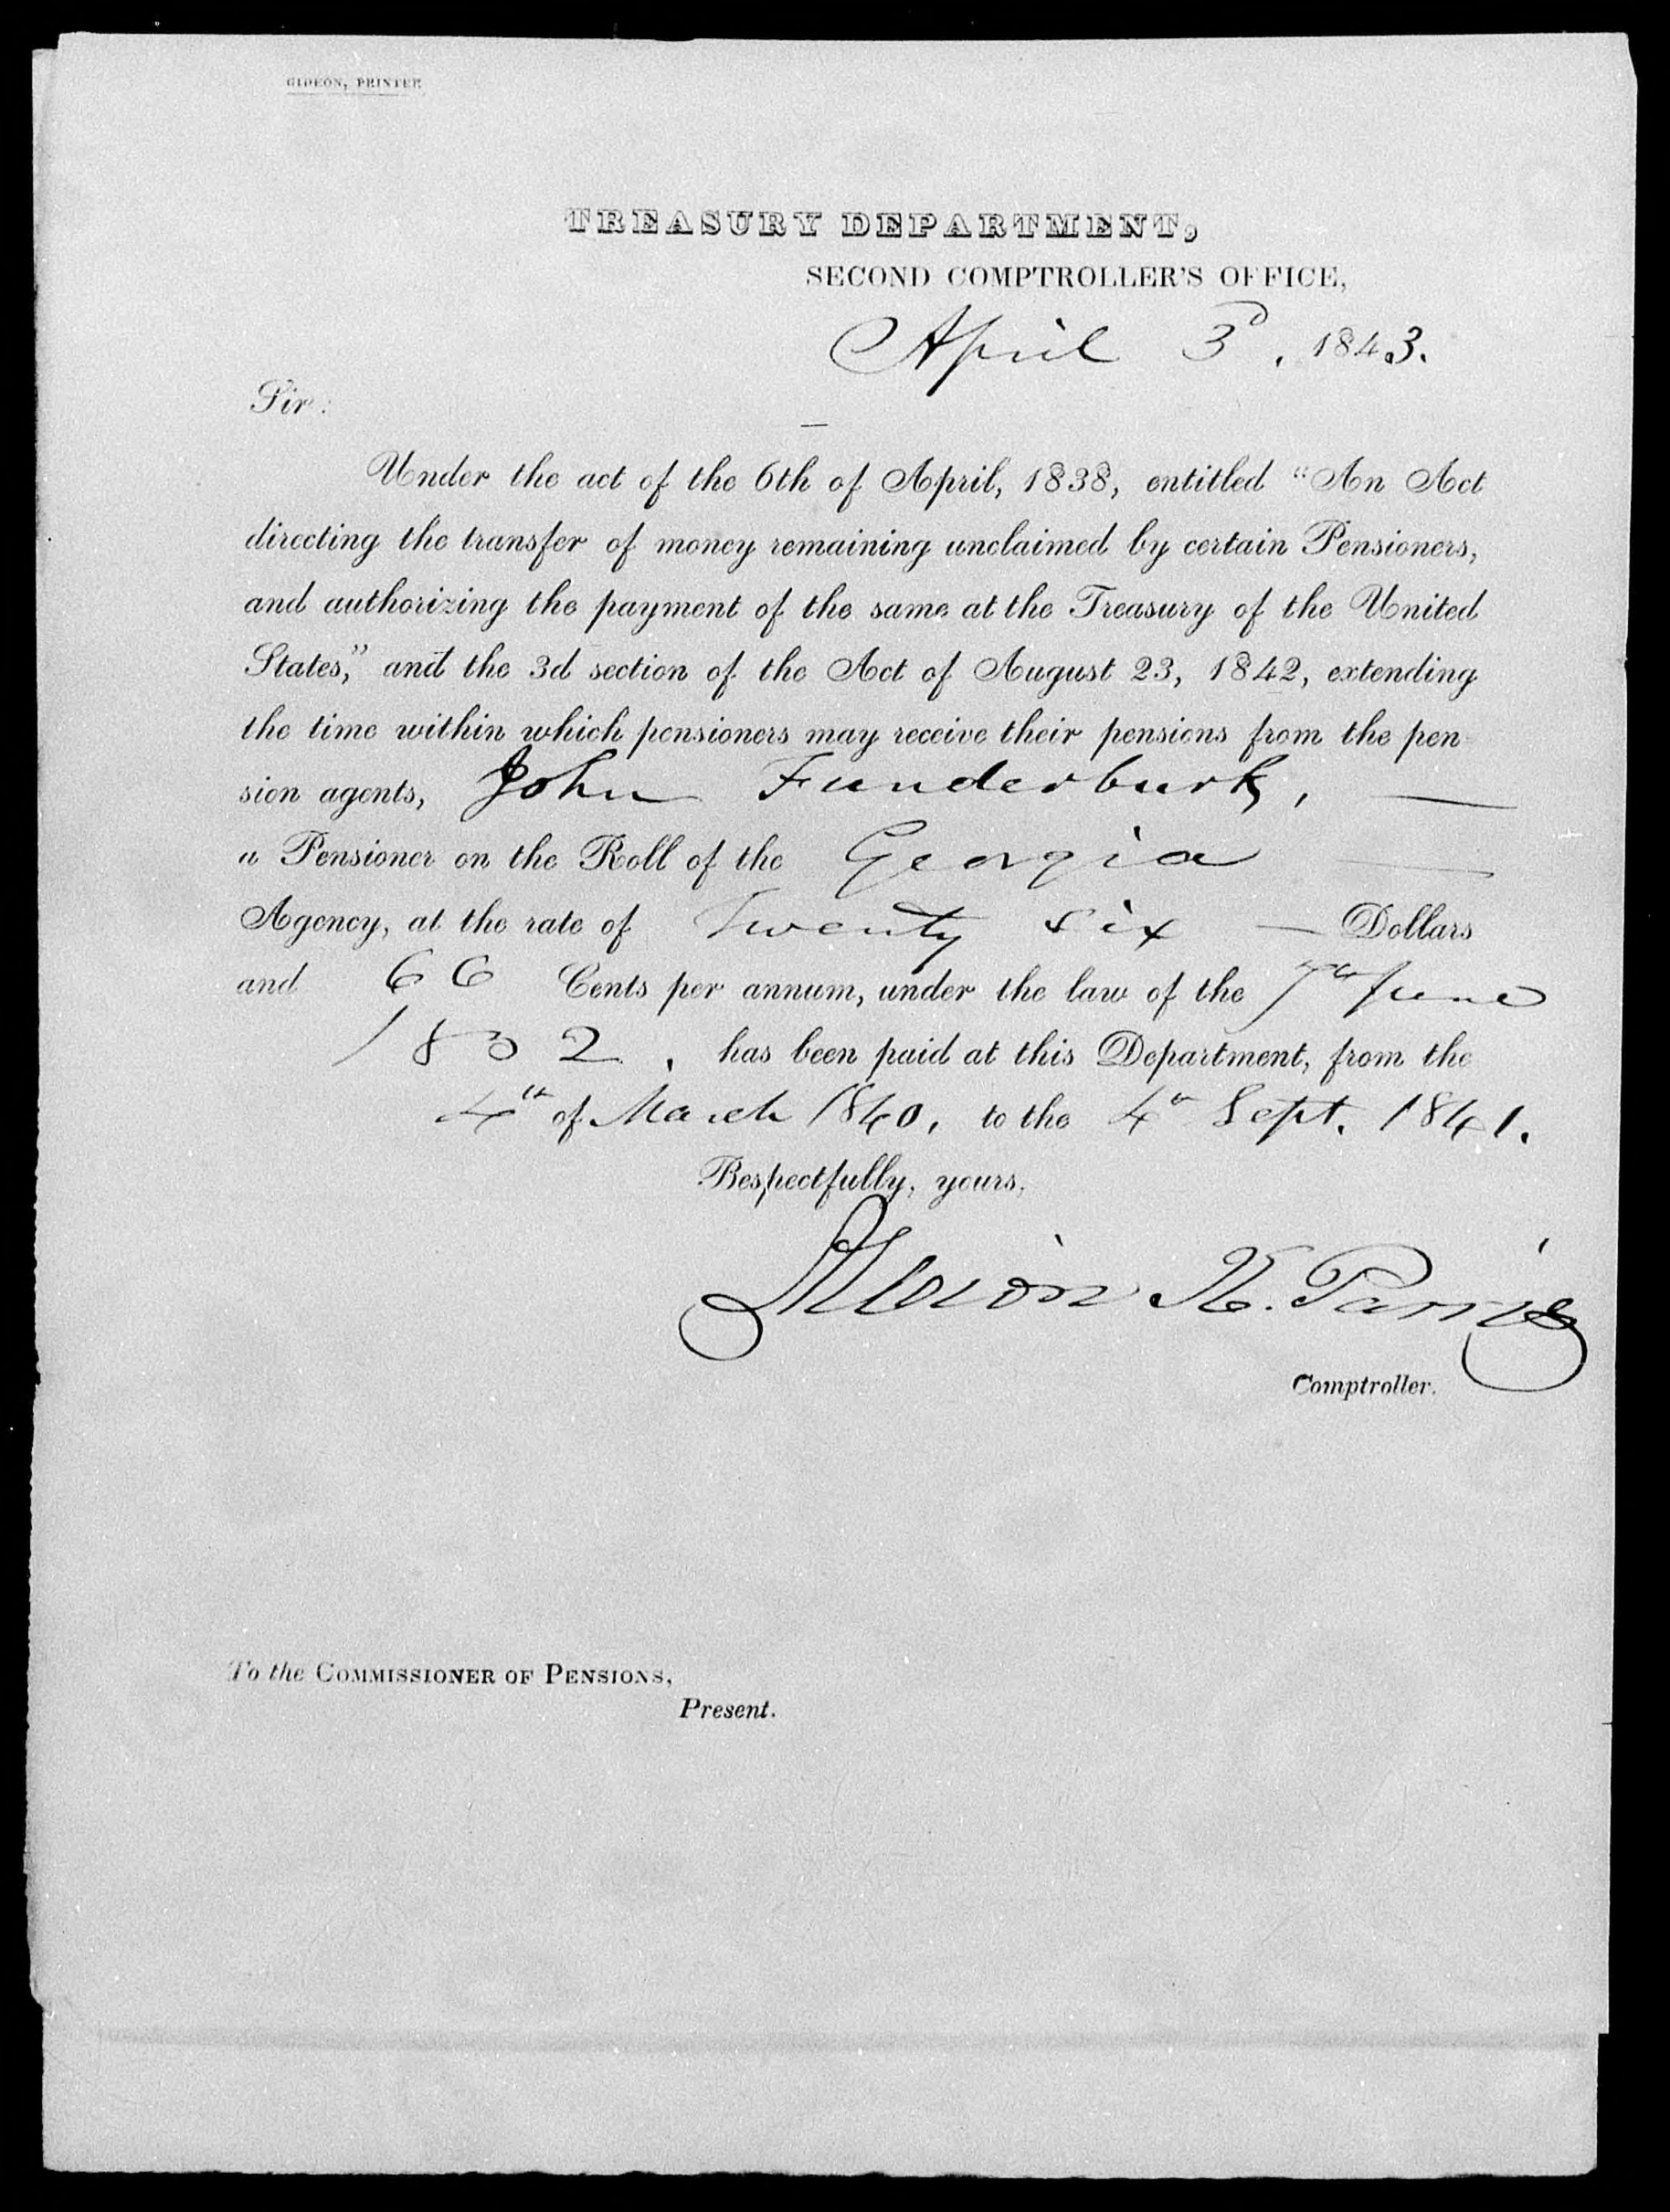TREASURY DEPARTMENT,
                    SECOND COMPTROLLER'S OFFICE,
                             April 3d, 1843.

Sir:
Under the act of the 6th of April, 1838, entitled "An Act
directing the transfer of money remaining unclaimed by certain Pensioners,
and authorizing the payment of the same at the Treasury of the United 
States," and the 3d section of the Act of August 23, 1842, extending
the time within which pensioners may receive their pensions from the pen
sion agents, John Bunderburk,
a Pensioner on the Roll of the Georgia
Agency, at the rate of Twenty six Dollars
and 66 Cents per annum, under the law of the 7th June
1832, has been paid at this Department, from the
4th of March 1840, to the 4th Sept. 1841.
Respectfully yours,
Albion K. Parris
Comptroller.

TO THE COMMISIONER OF PENSIONS,
                                                              Present.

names: John Funderburk, Albion K Parris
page: 13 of 23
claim: survivor's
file: S. 31,682, John Funderbuck, S.C.